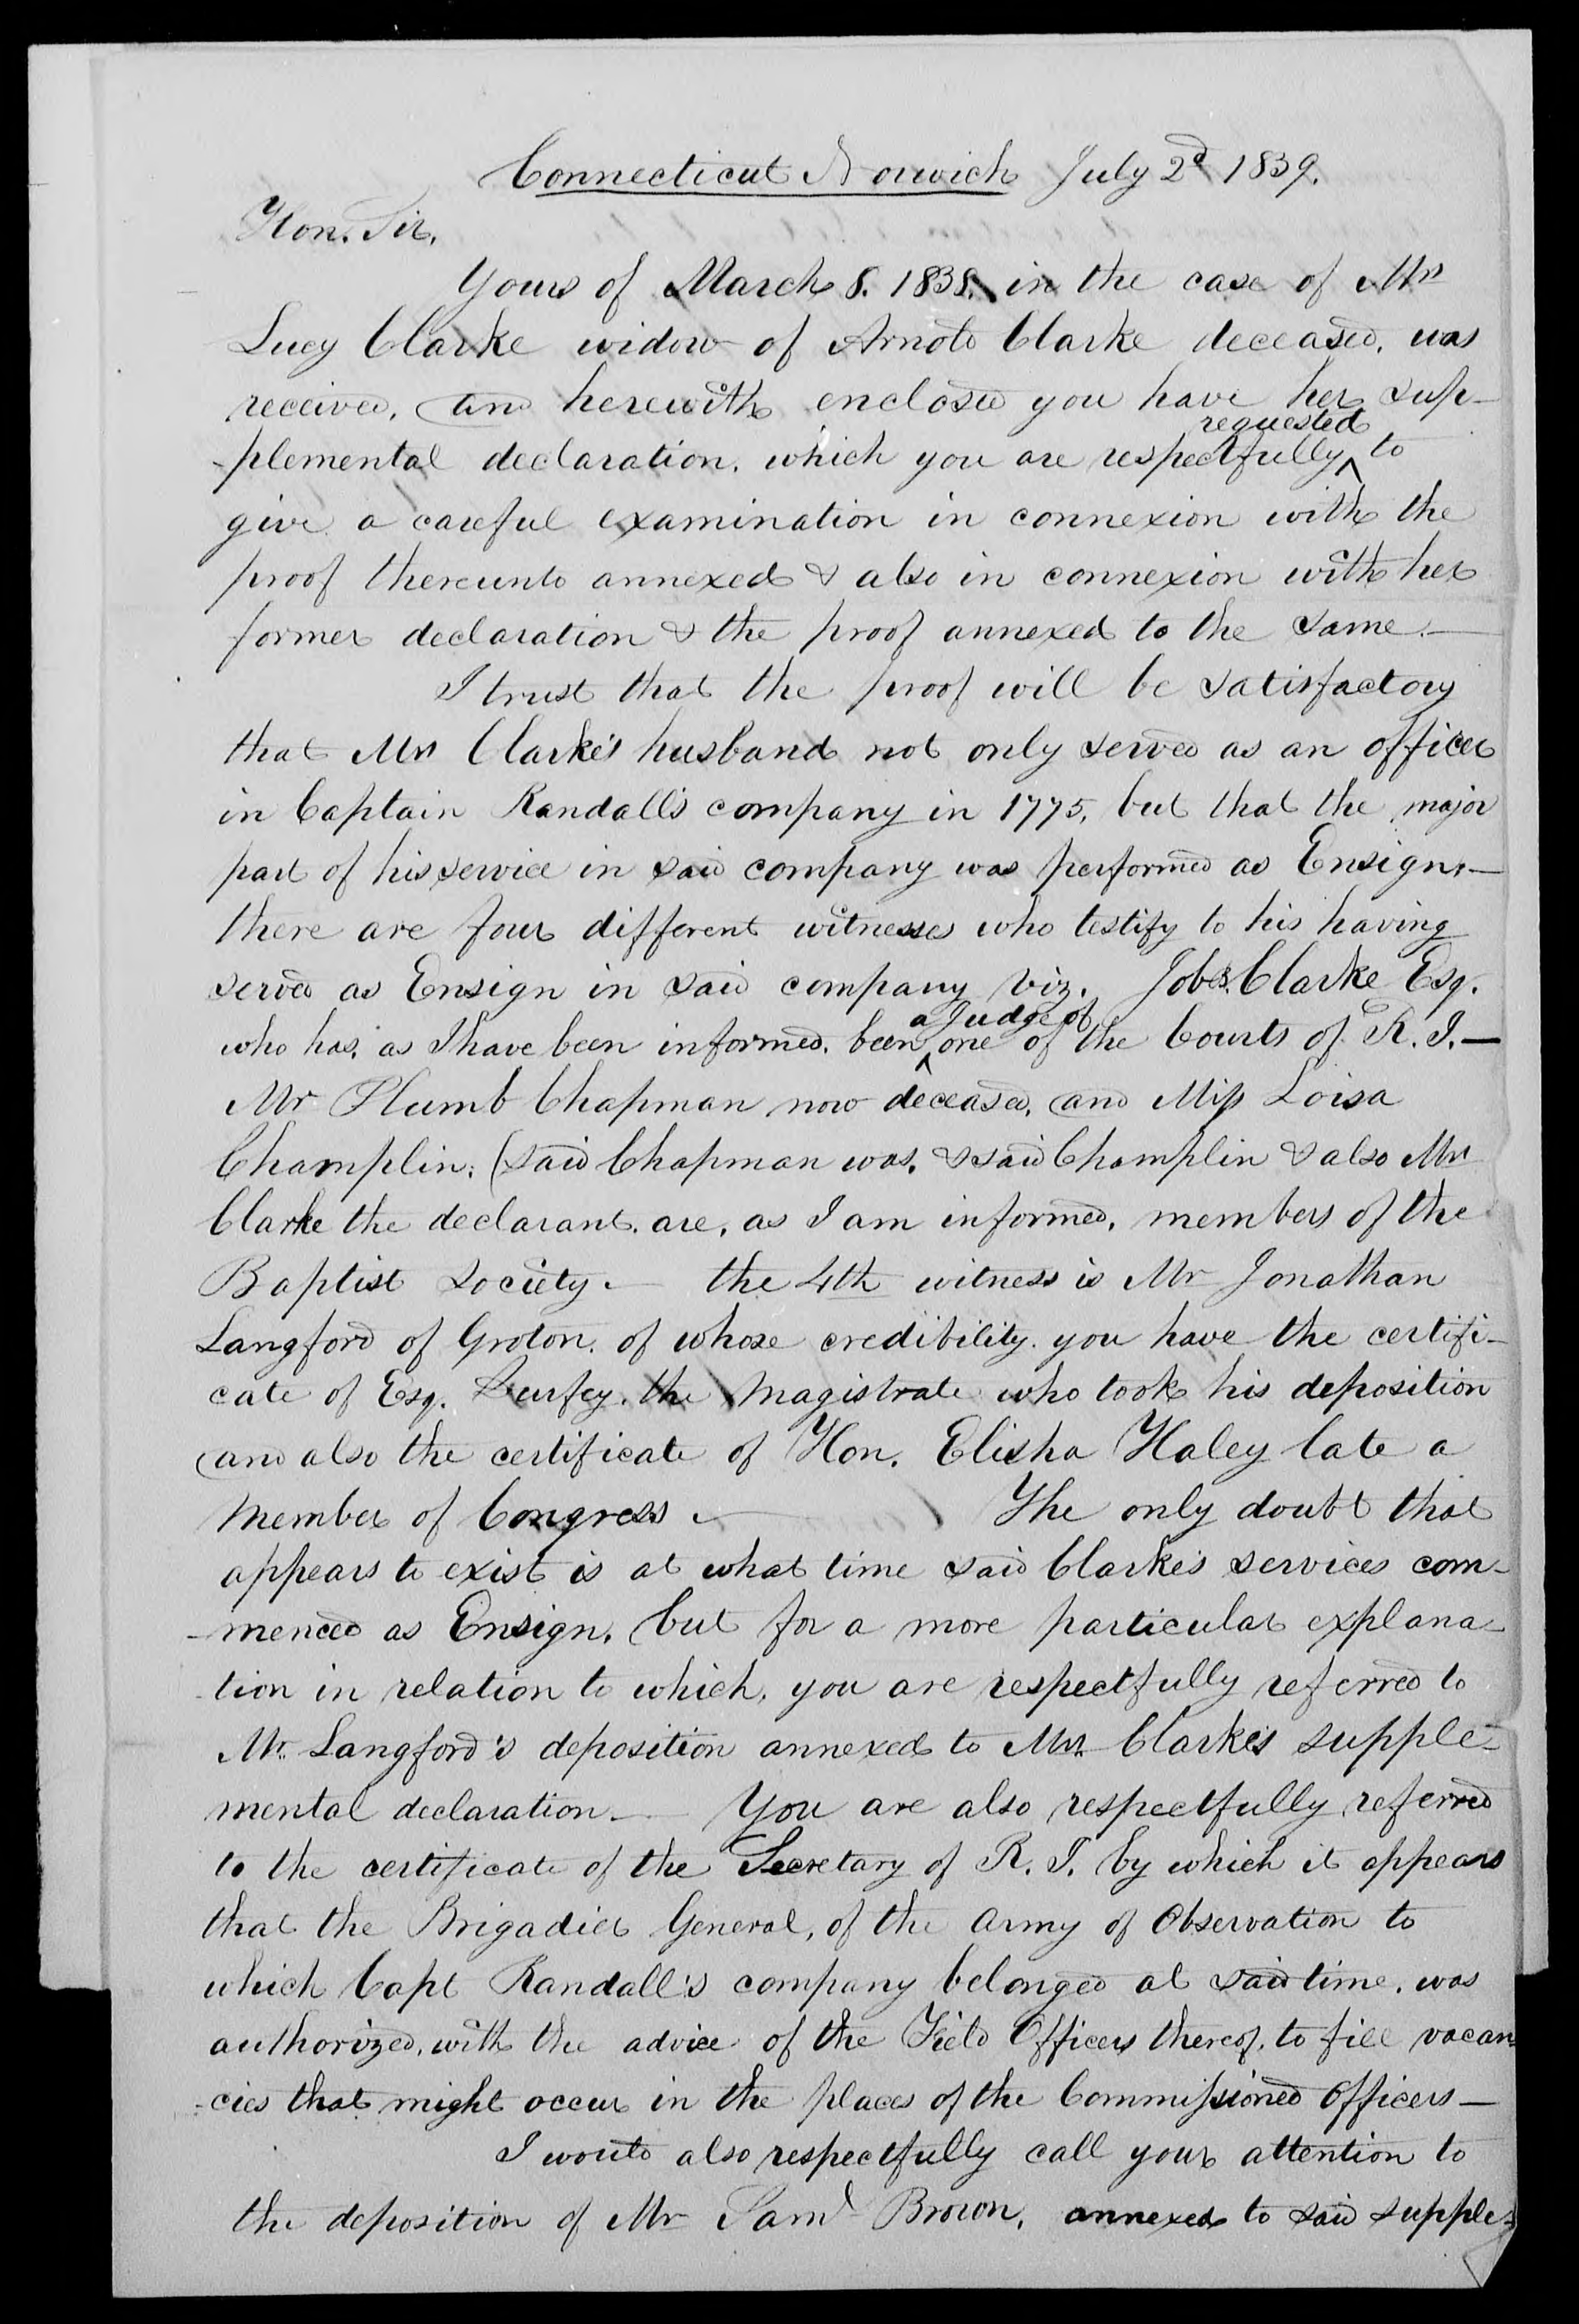Connecticut Norwich July 2d 1839
Hon. Sir,
Yours of March 8, 1838, in the case of Mrs. Lucy Clarke widow of Arnold Clarke deceased, was received and herewith enclosed you have her supplemental declaration, which you are respectfully requested to give a careful examination in connexion with the proof thereunto annexed & also in connexion with her former declaration & the proof annexed to the same.
I trust that the proof will be satisfactory that Mrs. Clark's husband not only served as an officer in Captain Randall's company in 1775, but that the major part of his service in said company was performed as Ensign. There are four different witnesses who testify to his having served as ensign and said company viz. Jos B. Clark Esq. who has as I have been informed, been a Judge of one of the Courts of R.I., Mr. Plumb Chapman now deceased, and Miss Loisa Champlin, (said Chapman was & said Champlin & also Mrs. Clarke the declarant are, as I am informed, members of the Baptist Society. The 4th witness is Mr. Jonathan Langford of Groton of whose credibility you have the certificate of Esq. [illegible], the magistrate who took his deposition and also the certificate of Hon. Elisa Haley late a member of Congress. The only doubt that appears to exist is at what time said Clarke's services commenced as ensign, but for a more particular explanation in relation to which you are respectfully referred to Mr. Langford's deposition annexed to Mrs. Clarke's supplemental declaration. You are also respectfully referred to the certificate of the Secretary of R.I. by which is appears that the Brigadier General of the Army of Observation to which Capt. Randall's company belonged at said time, was authorized, with the advice of the Field Officers thereof, to fill vacancies that might occur in the places of the Commissioned officers.
I would also respectfully call your attention to the deposition of Mr. Saml Brown, annexed to said supple-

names: Chapman, Plumb Chapman, Champlin, Clarke, Langford, Saml Brown, Job B Clarke, Arnold Clarke, Clarke, Loisa Champlin, Elisha Haley, Clarke, Clarke, Lucy Clarke, Jonathan Langford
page: 23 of 48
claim: widow's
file: W. 17,628, Arnold Clarke, R.I.